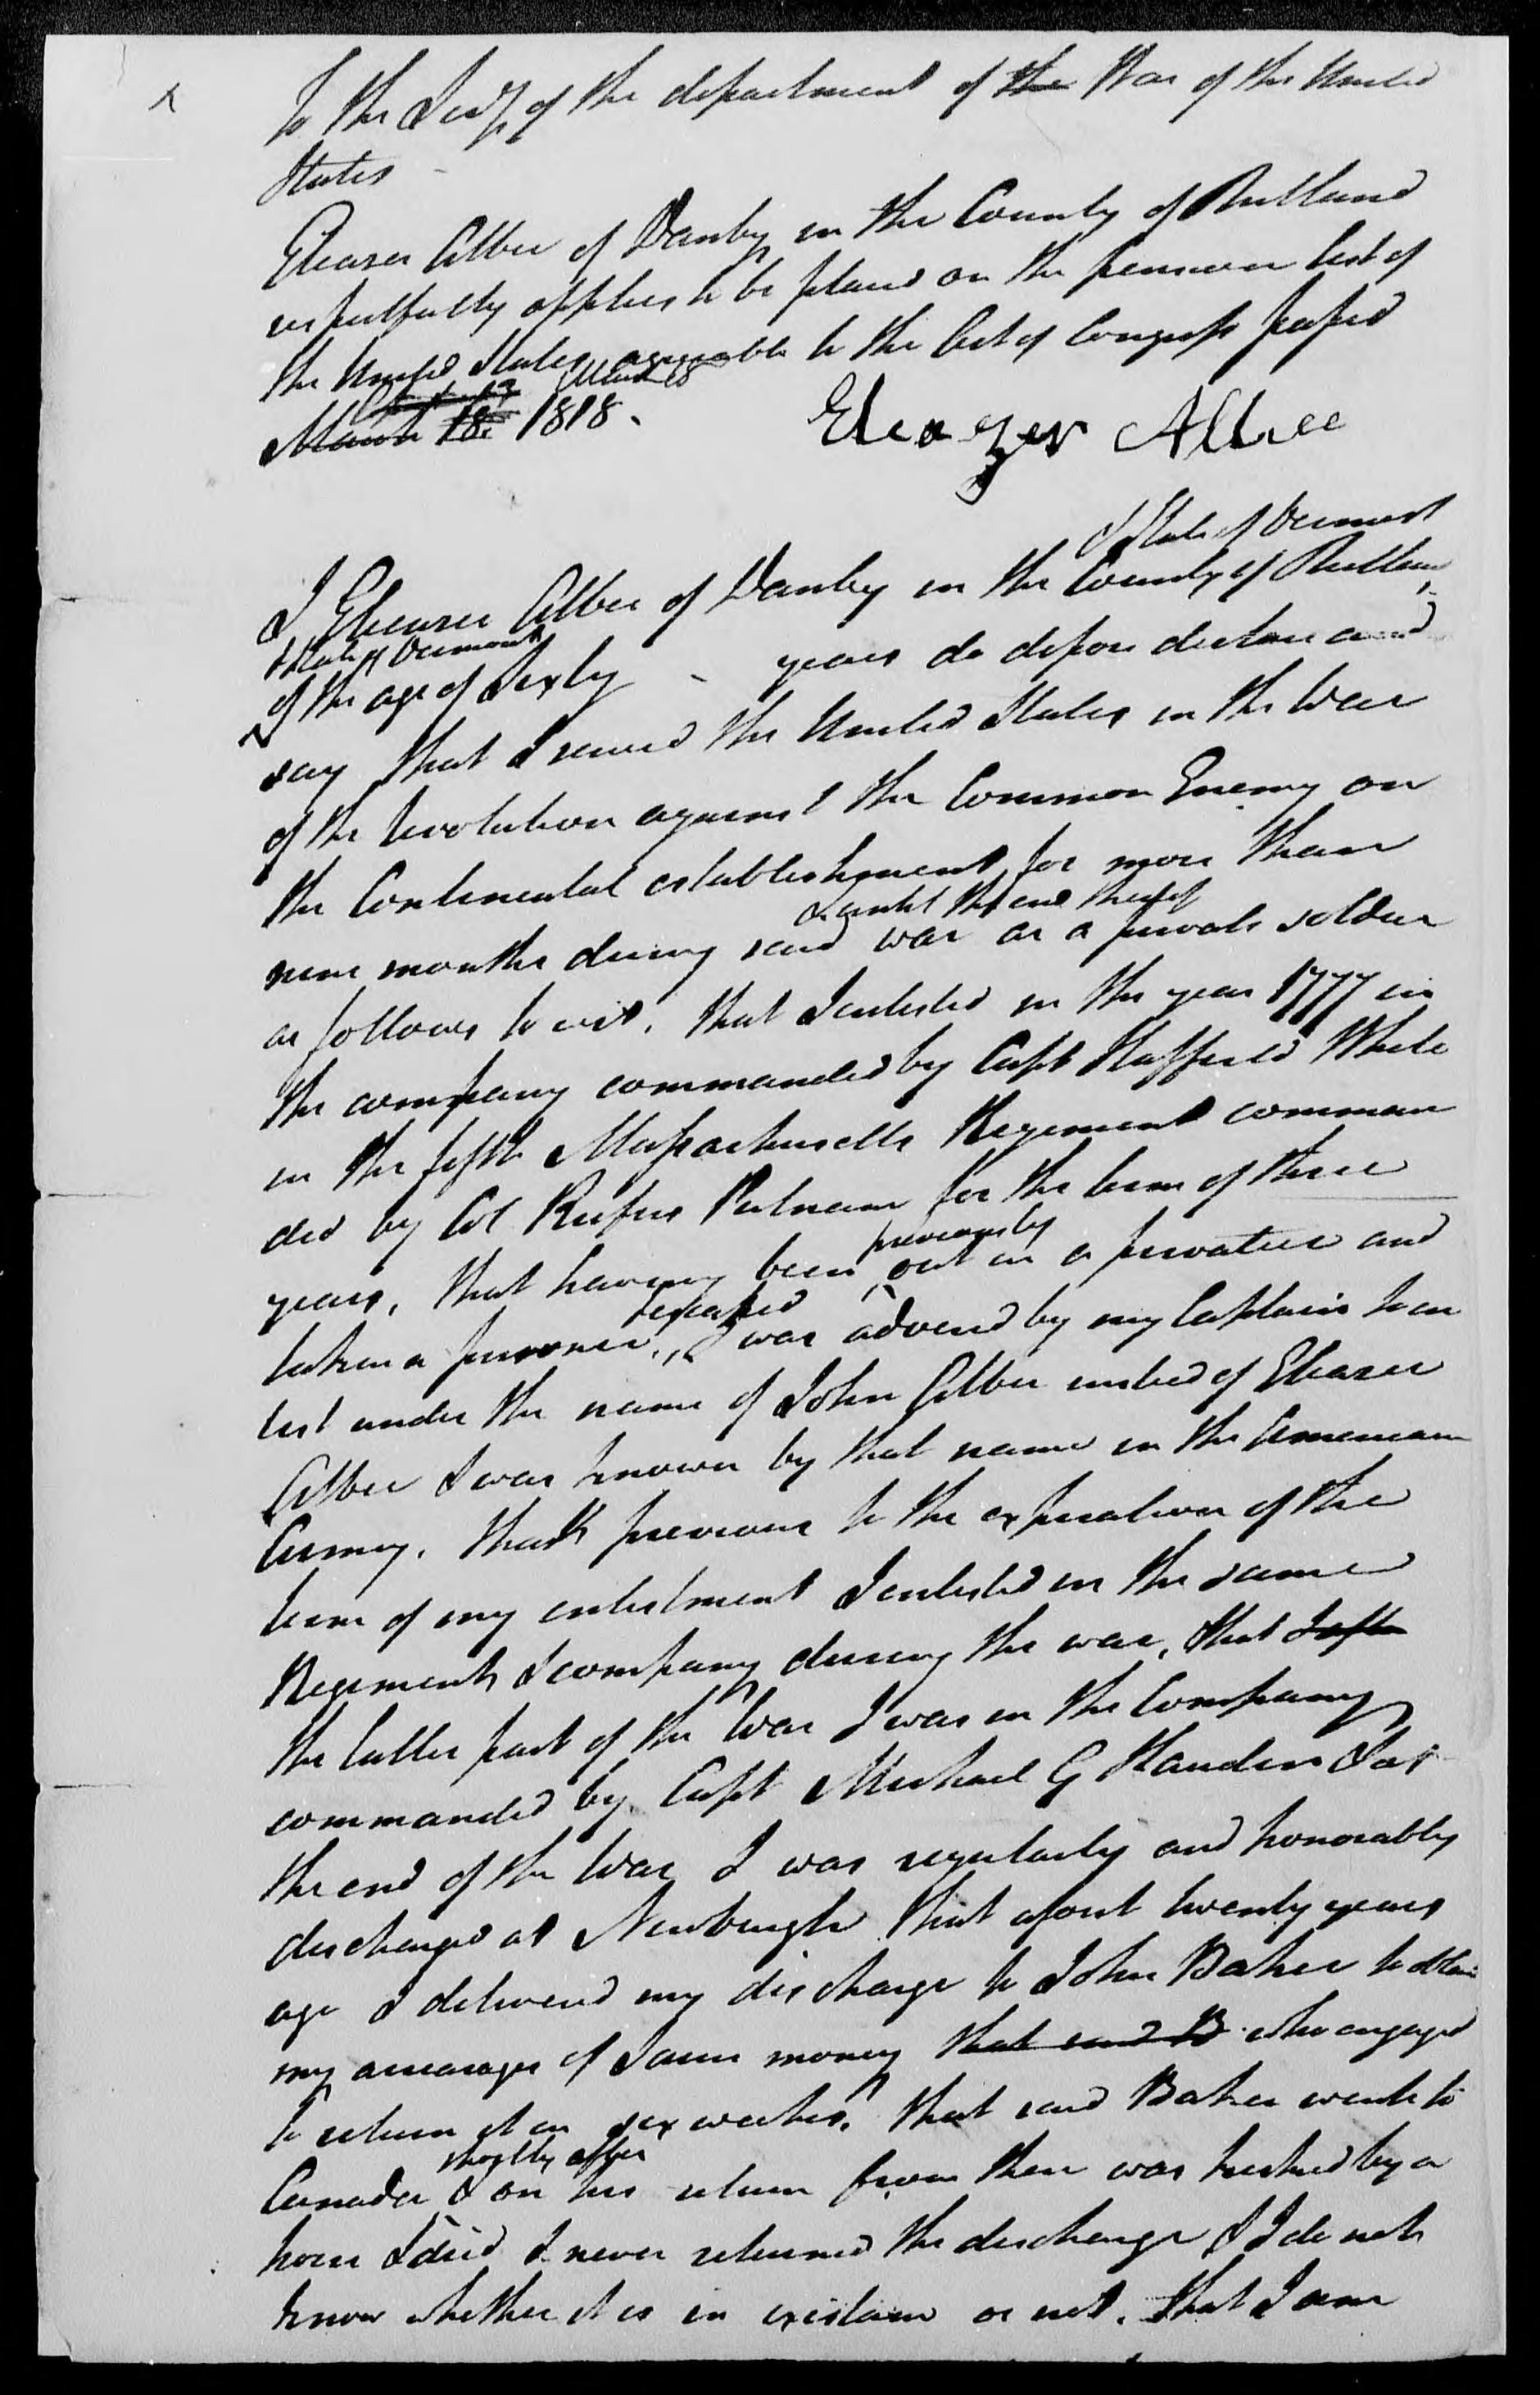To the Secy 
of the department of the War of the United States  

Eleazer Albee of Danby in the County of Rutland respectfully applies to be placed on the pension list of the United States at the Act of Congress passed March 18 1818.
Eleazer Albee

I Eleazer Albee of Danby in the State of Vermont County of Rutland & town of Danby - of the age of sixty years do depose declare and say that I served the United States in the war of the Revolution against the Common Enemy on the Continental establishment for more than nine months during said war as a private soldier as follows to wit 

that  I enlisted in the year 1777 in the company commanded by Capt Haffield White in the fifth Massachusetts Regiment commanded by Col Rufus Putney for the term of three years, that having been previously out as a privateer and taken a prisoner I was advanced by my Captain in list under the name of John Albee instead of Eleazer Albee. I was known by that name in the American Army, that previous to the expiration of the term of my enlistment I enlisted in the same Regiment & company during the war, that at the latter part of the War I was in the Company commanded by Capt Michael G Handen & at the end of the war I was regularly and honorably discharged at Newburgh that about twenty years ago I delivered my discharge to John Baker to obtain my arrearages of some money when engaged for when six weeks.  that said Baker went to Canada & shortly on his return from there was kicked by a horse & died I never returned the discharge I do not know whether is in existance or not that I am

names: Ebenzer Albee, Rufus Putnam, Haffield White, Eleazer Albee, John Albee, Eleazer Albee, Eleazer Albee, Michael G Handen, John Baker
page: 4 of 29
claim: survivor's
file: S 41404, Eleazer John Albee, Mass. Privateer